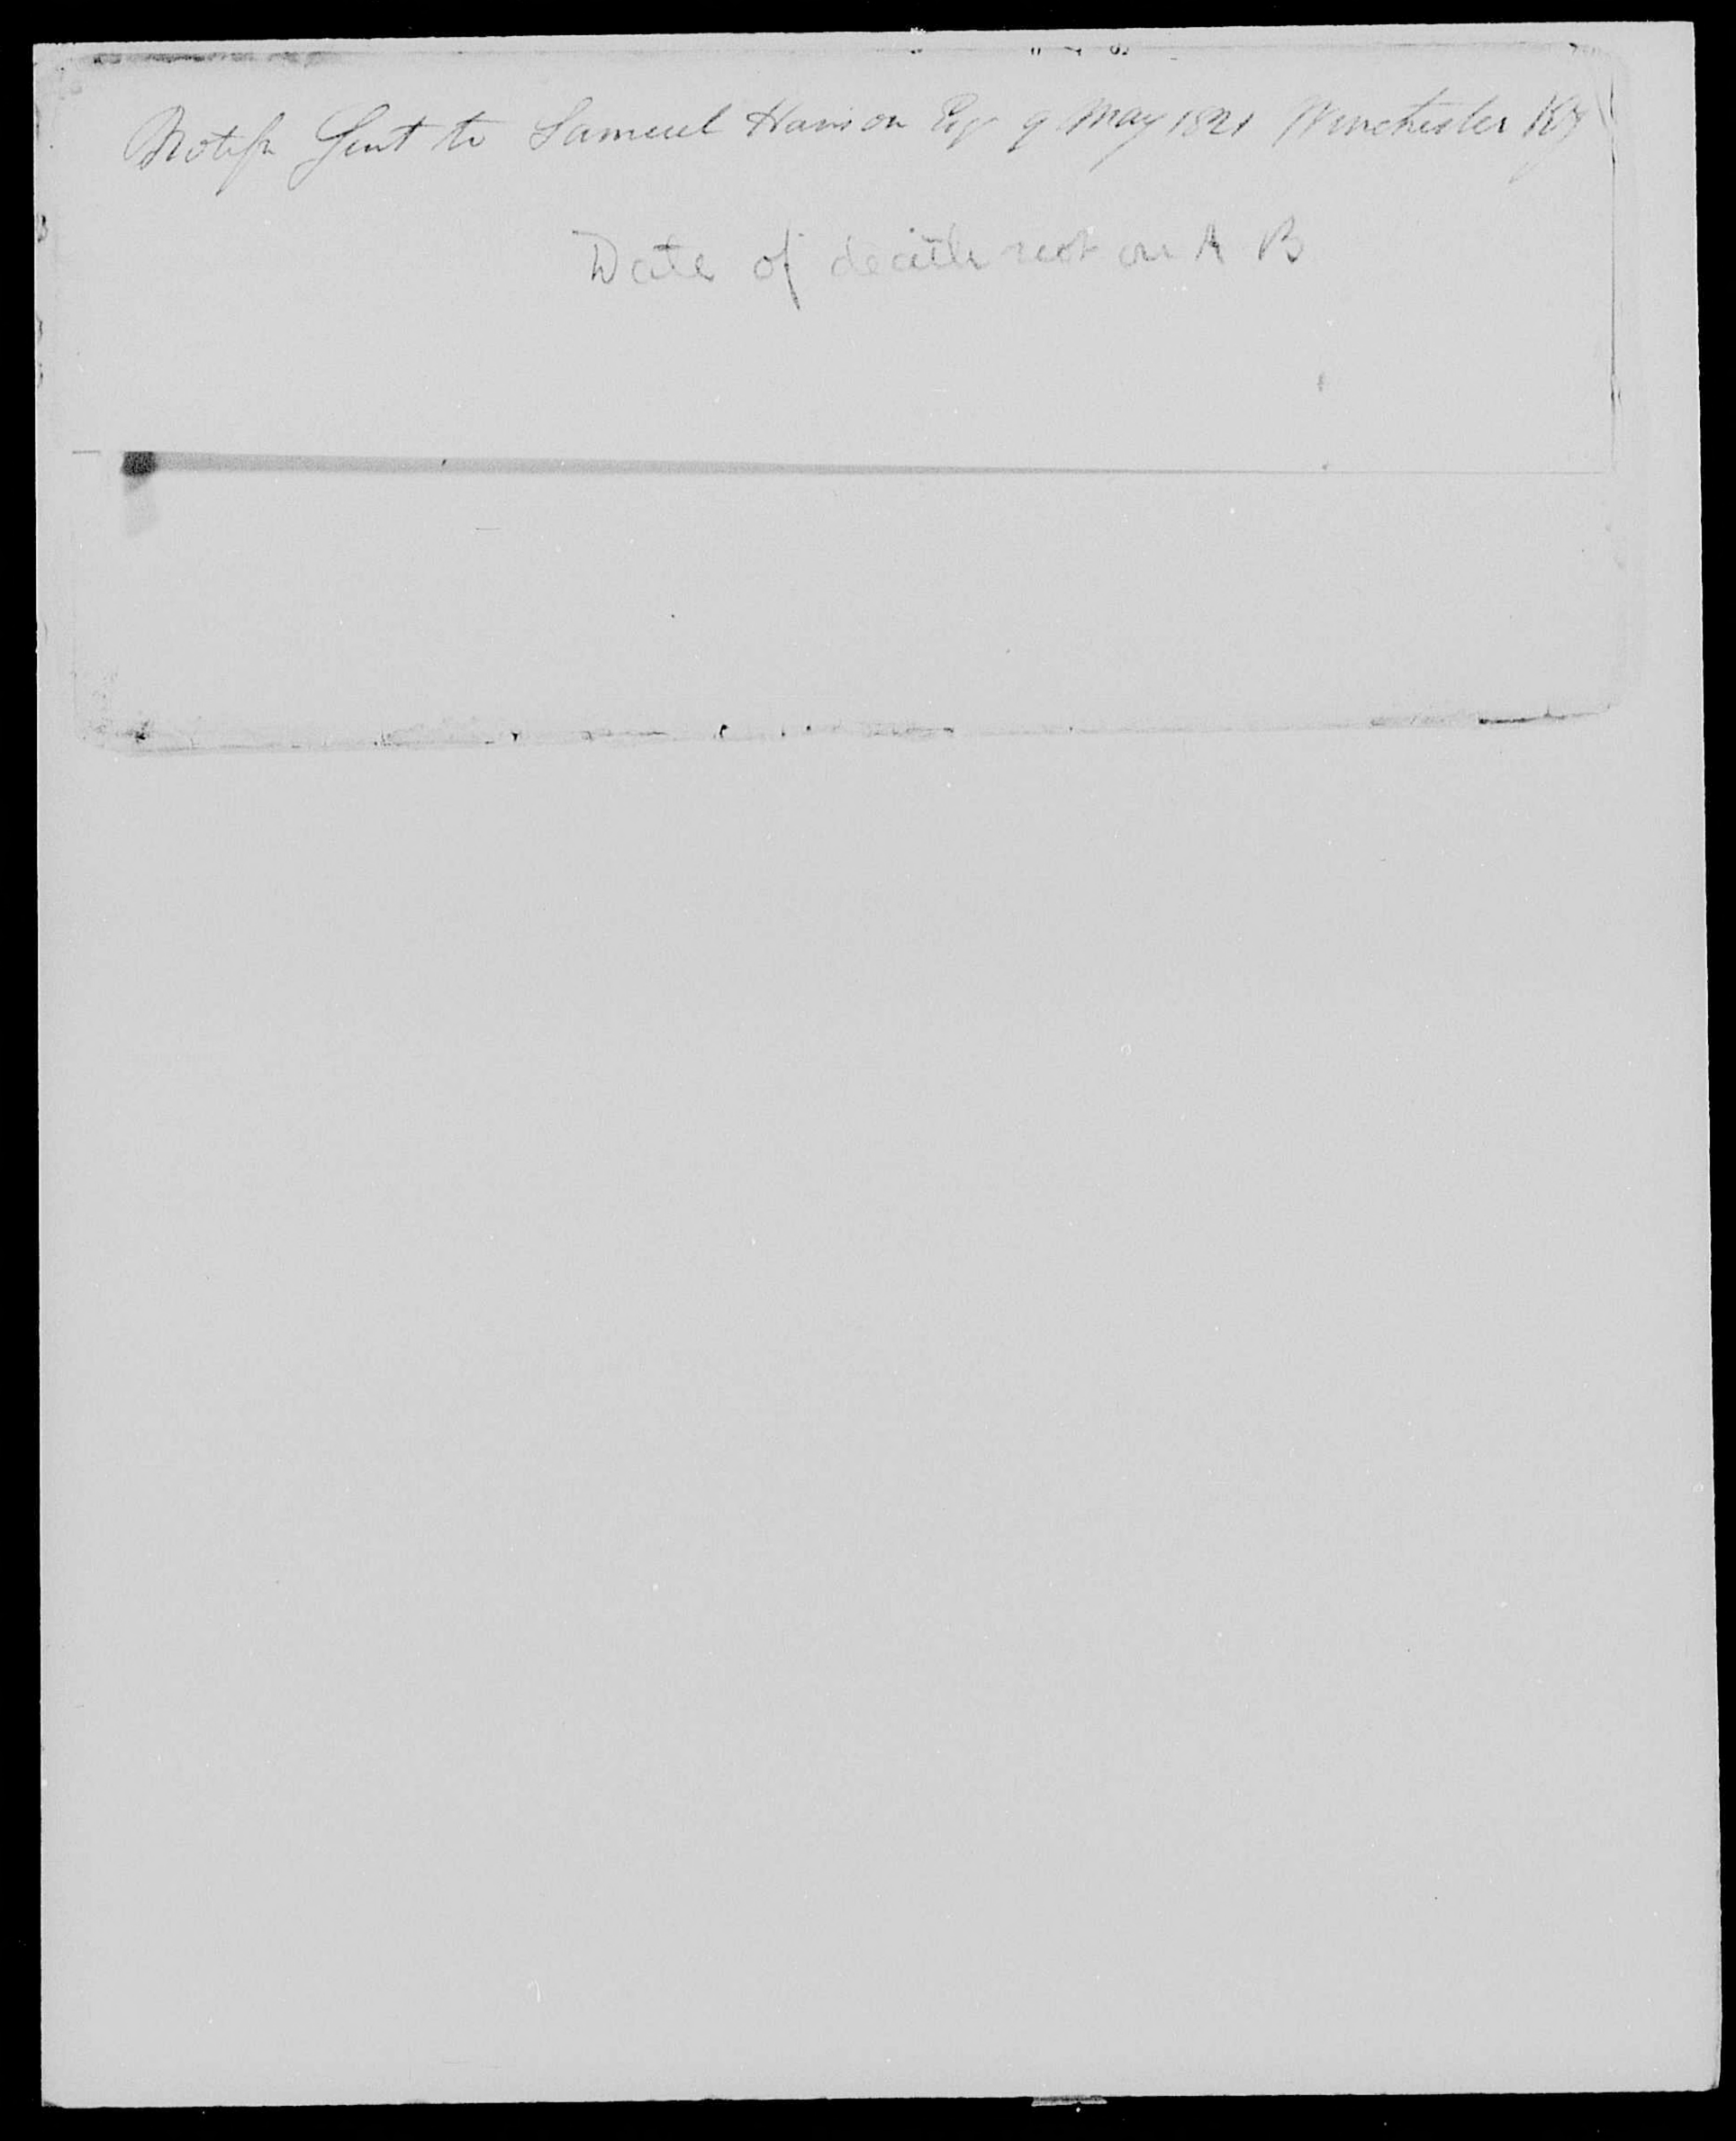Notific Sent to Samuel Hanson Esq 9 May 1821  
Winchester Ky
Date of Death not on A B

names: Samuel Harrison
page: 3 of 23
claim: survivor's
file: S 35903, John Dunn, Va.